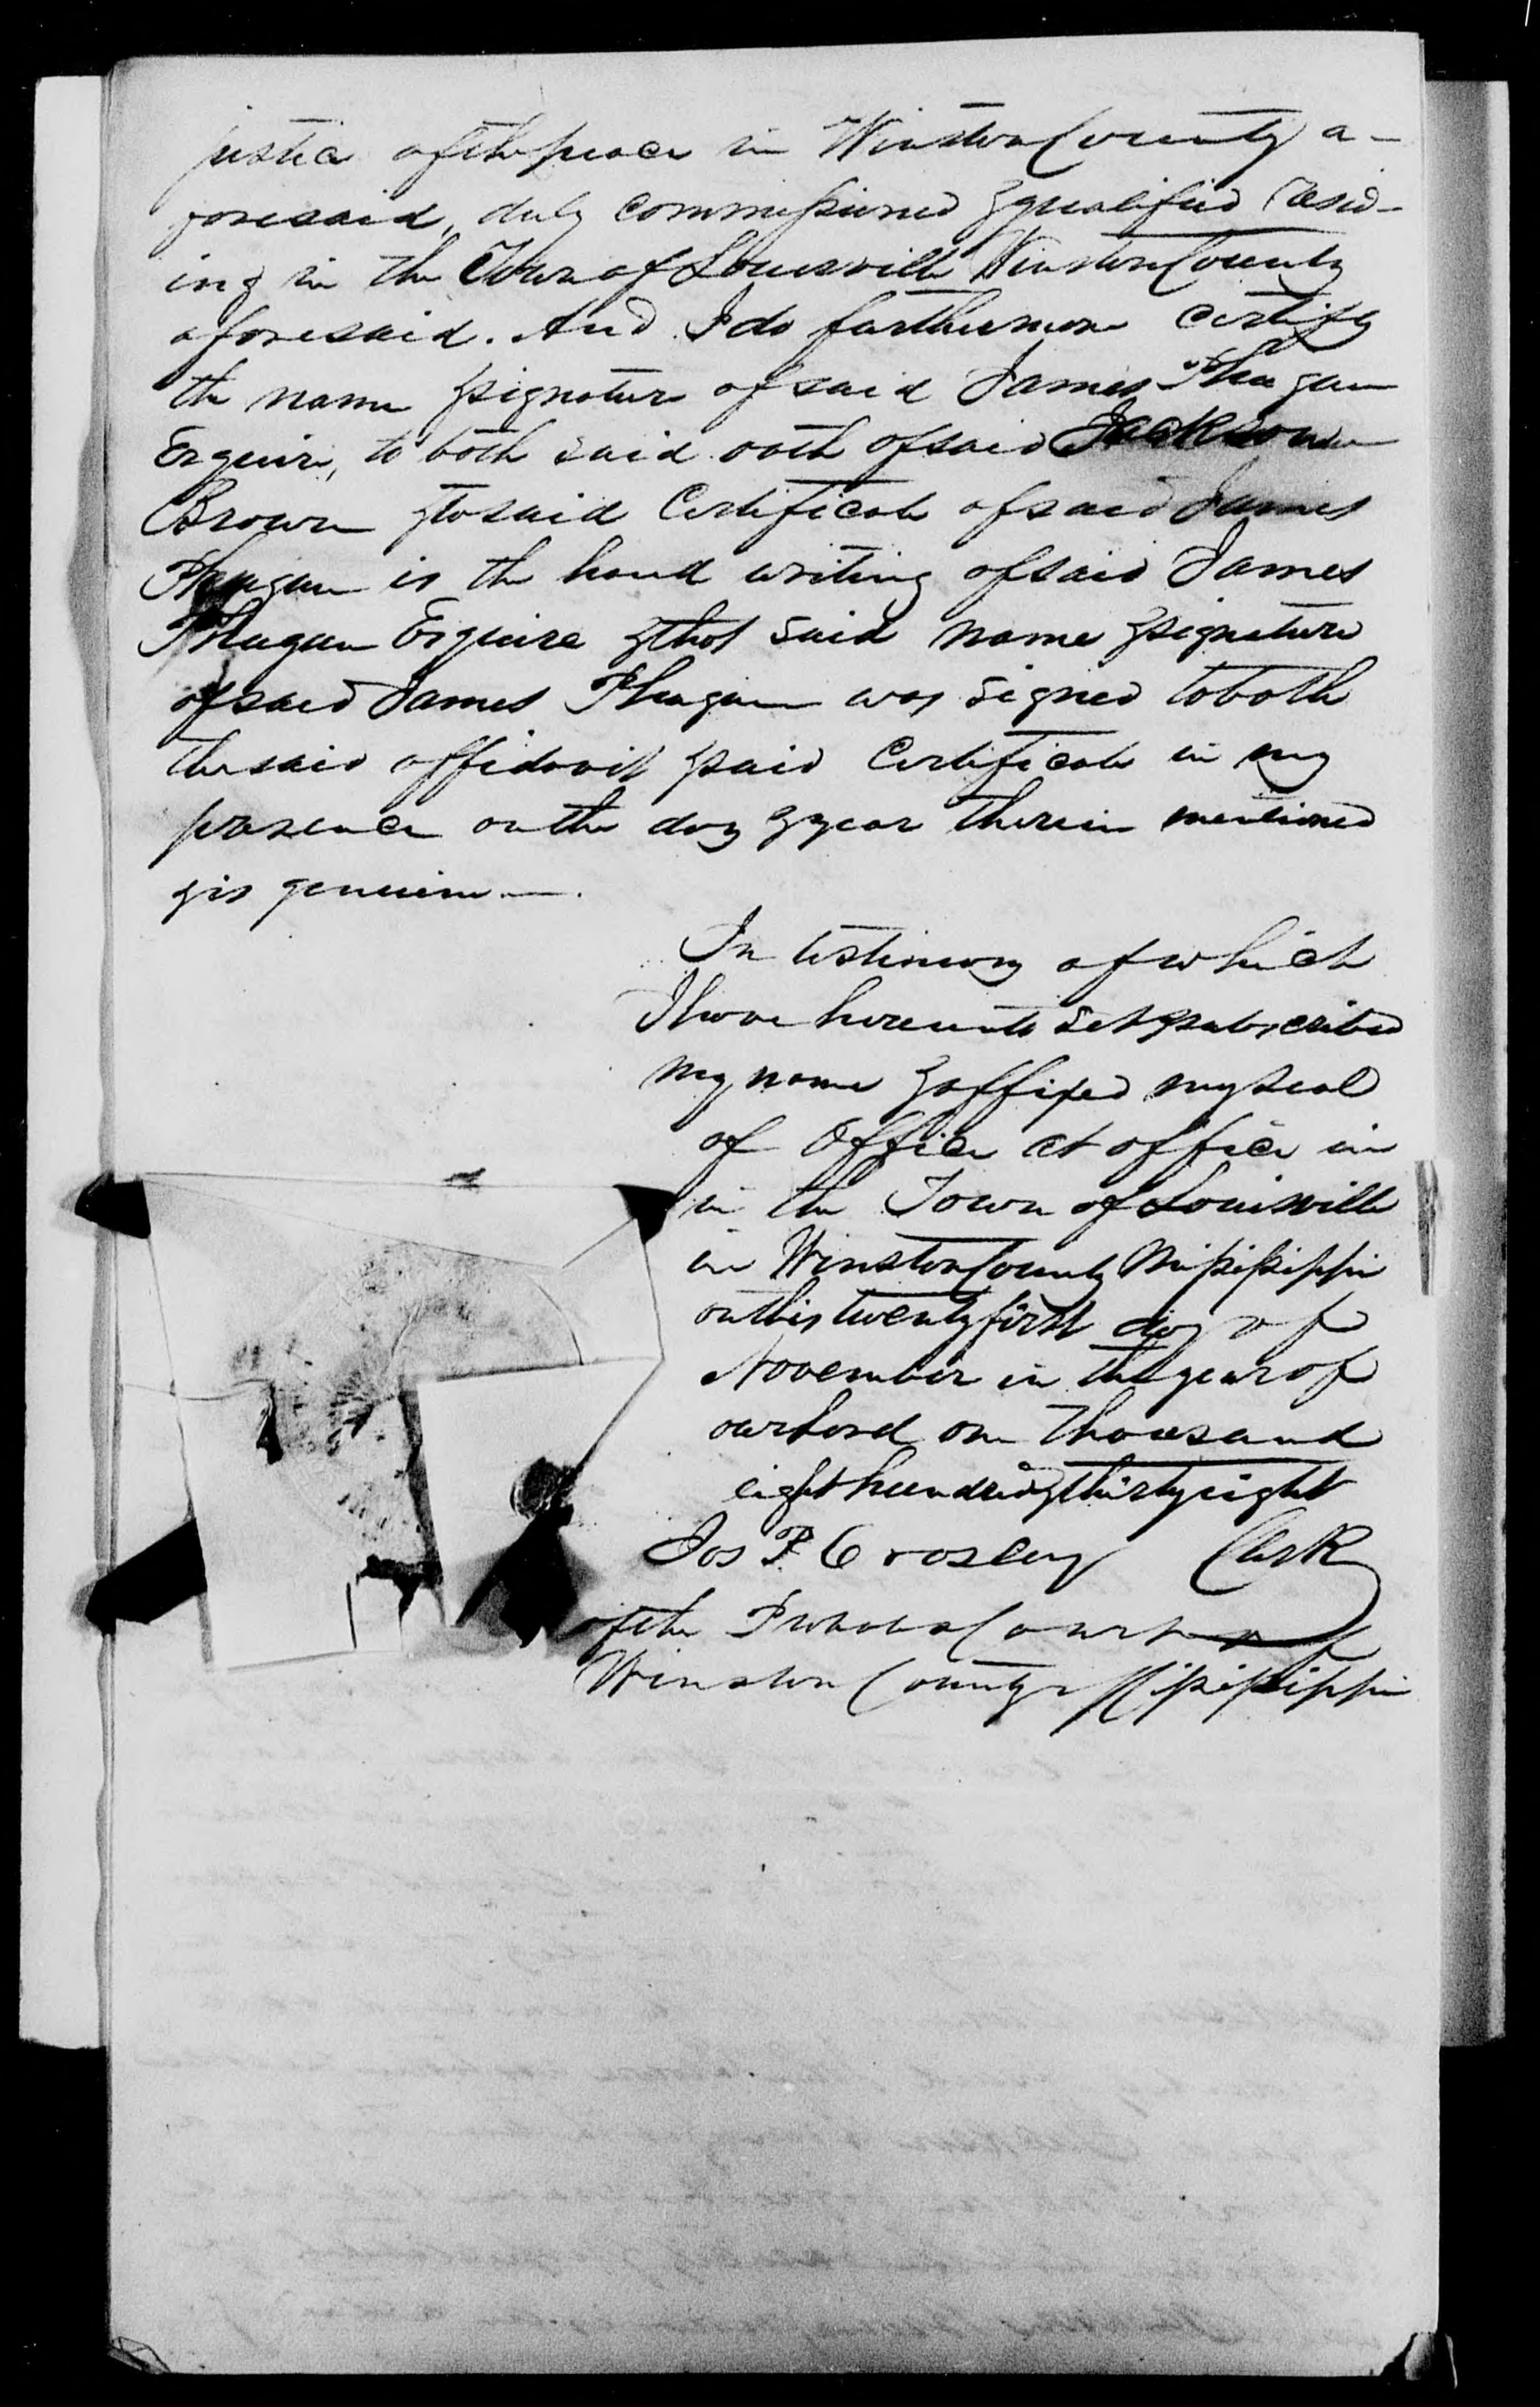Justice of the peace in Winston County
aforesaid, duly commissioned & qualified
residing in the Town of Louisville Winston County
aforesaid. And I do furthermore certify
the name & signature of said James Phagan
Esquire, to both said oath of said Jackson
Brown & to said Certificate of said James
Phagan is the hand writing of said James
Phagan Esquire & that said name & signature
of said James PHagan was signed to both
the said affidavit & said certificate in my
presence on the day & year therein mentioned
is genuine.
In testimony of which
I have hereunto set & subscribed
my name & affixed my seal
of Office at office in
the Town of Louisville
in Winston County Mississippi
on this twenty first day of
November in the year of
our Lord one thousand
eight hundred & thirty eight
Jos P Crosley
Clerk
of the Probate Court
Winston County Mississippi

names: James Phagan, Jackson Brown, James Phagan, James Phagan, James Phagan, Jos P Crosley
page: 23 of 85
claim: widow's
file: W. 5,906, John Brown, S.C.